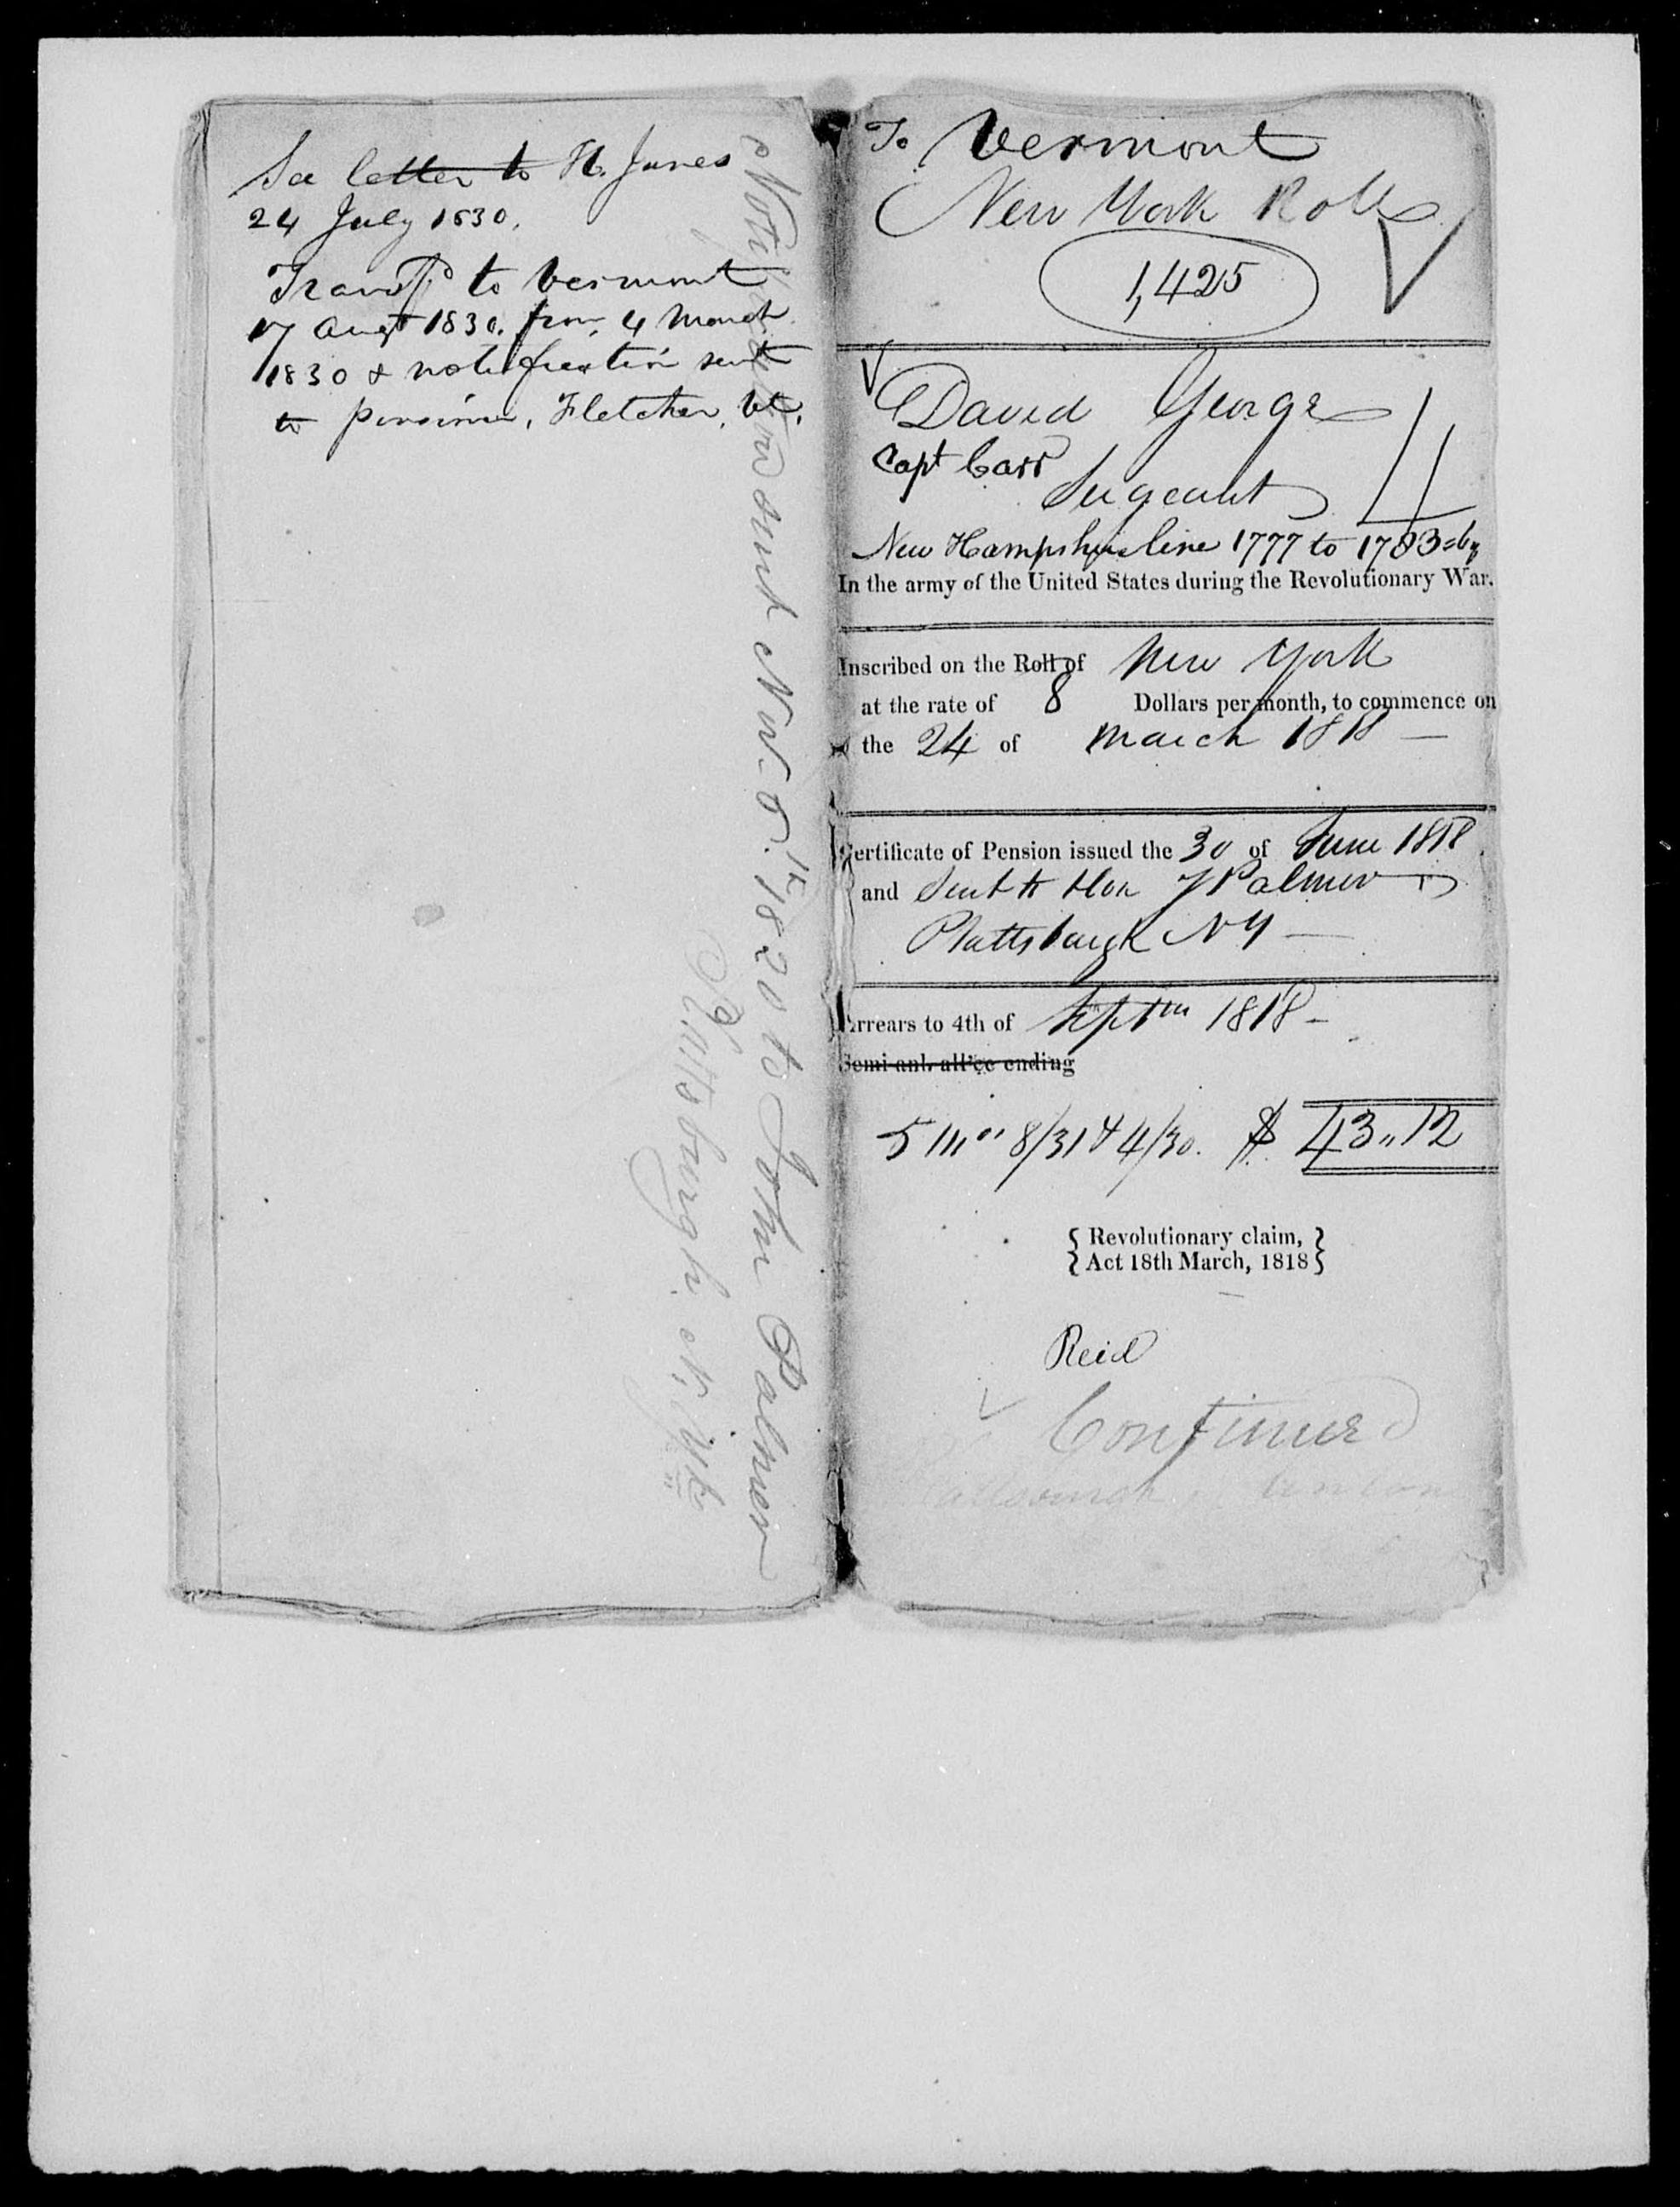(left side of page)
See letter to H. James 
24 July 1830
Transfer to Vermont
7 August 1830 from 4 March
1830 and notification sent 
to pensioner Fletcher &c

(sideways on page)
Notification sent Nov. 6 1820 to John Palmer
Plattsburgh N.Y 

(right side of page) 
To Vermont 
New York Roll 
1,4215
David George
Capt(ain) Carr
Sergeant 
New Hampshire line 1777 to 1783
In the army of the United States during the Revolutionary War. 

Inscribed on the Roll of New York 
at the rate of 8 dollars per month, to commence 
on the 24 of March 1818

Certificate of Pension issued on the 30 of June 1818 and sent to Hon. J. Palmer 
Plattsburgh NY

Arrears to 4th of Sept(ember) 1818
5 (illegible) 8/31 and 4/30 $43.12

{Revolutionary claim Act 18th March, 1818}

Reid 
Continued 
Plattsburgh Tenton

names: Carr, J Palmer, David George, H Janes, John Palmer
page: 5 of 18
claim: survivor's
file: S. 39568, David George, N.H.